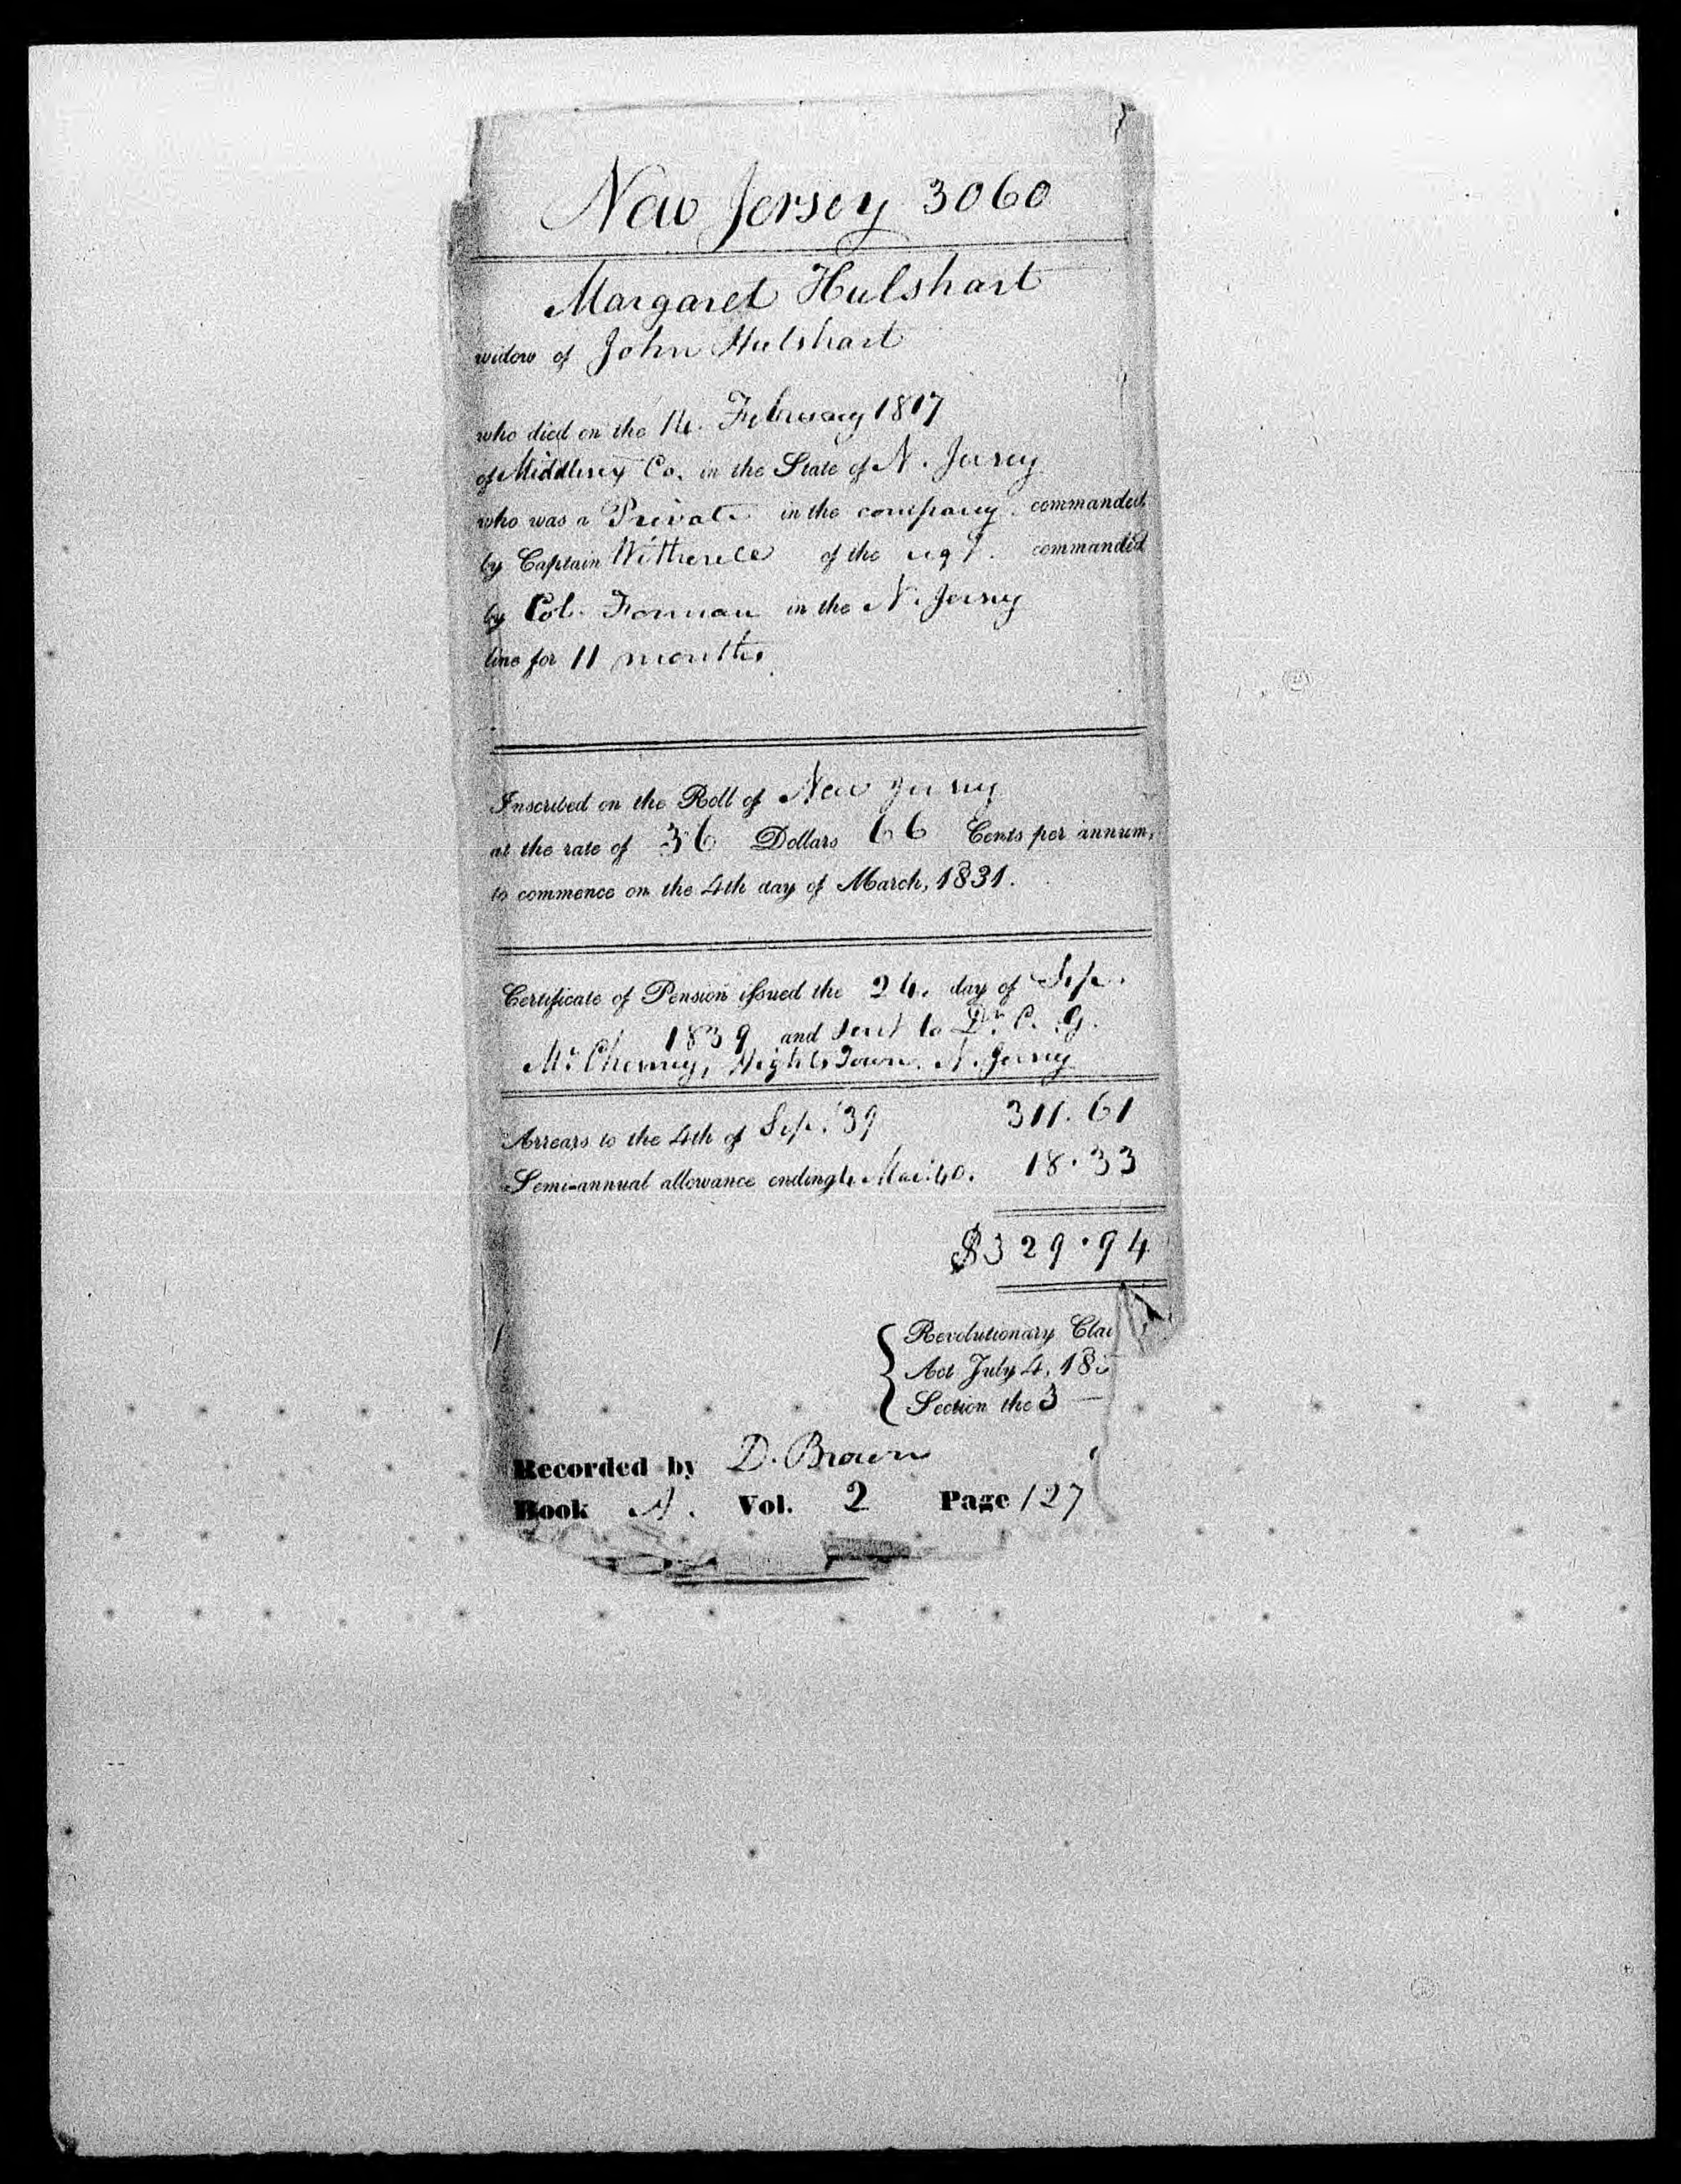New Jersey 3060
---------------------
Margaret Hulshart
widow of John Hulshart
who died on the 14 February 1817
of Middlesex Co. in the State of N. Jersey
who was a Private in the company commanded
by Captain Witherell of the Regt commanded
by Col. Forman in the N Jersey
line for 11 months.
---------------------
Inscribed on the Roll of New Jersey
at the rate of 36 Dollars 66 Cents per annum,
to commence on the 4th day of March, 1831.
----------------------
Certificate of Pension issued the 24 day of Sep.
1839 and sent to Dr. C. G.
McChesney, Hightstown N Jersey
-----------------------
Arrears to the 4th of Sep. 39                  311.61
Semi-annual allowance ending 
     Mar. 40                                                   18.33
                                                               ________
                                                                $329.94    
                                                               ________
{Revolutionary Clai[cut off]
{Act July 4, 183[cut off]
{Section the 3 ---}

Recorded by D. Brown
Book A, Vol. 2 Page 127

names: C G Mc Chesney, Forman, John Hulshart, Margaret Hulshart, Witherell, D Brown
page: 5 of 34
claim: widow's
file: W. 940, John Hulshart, New Jersey